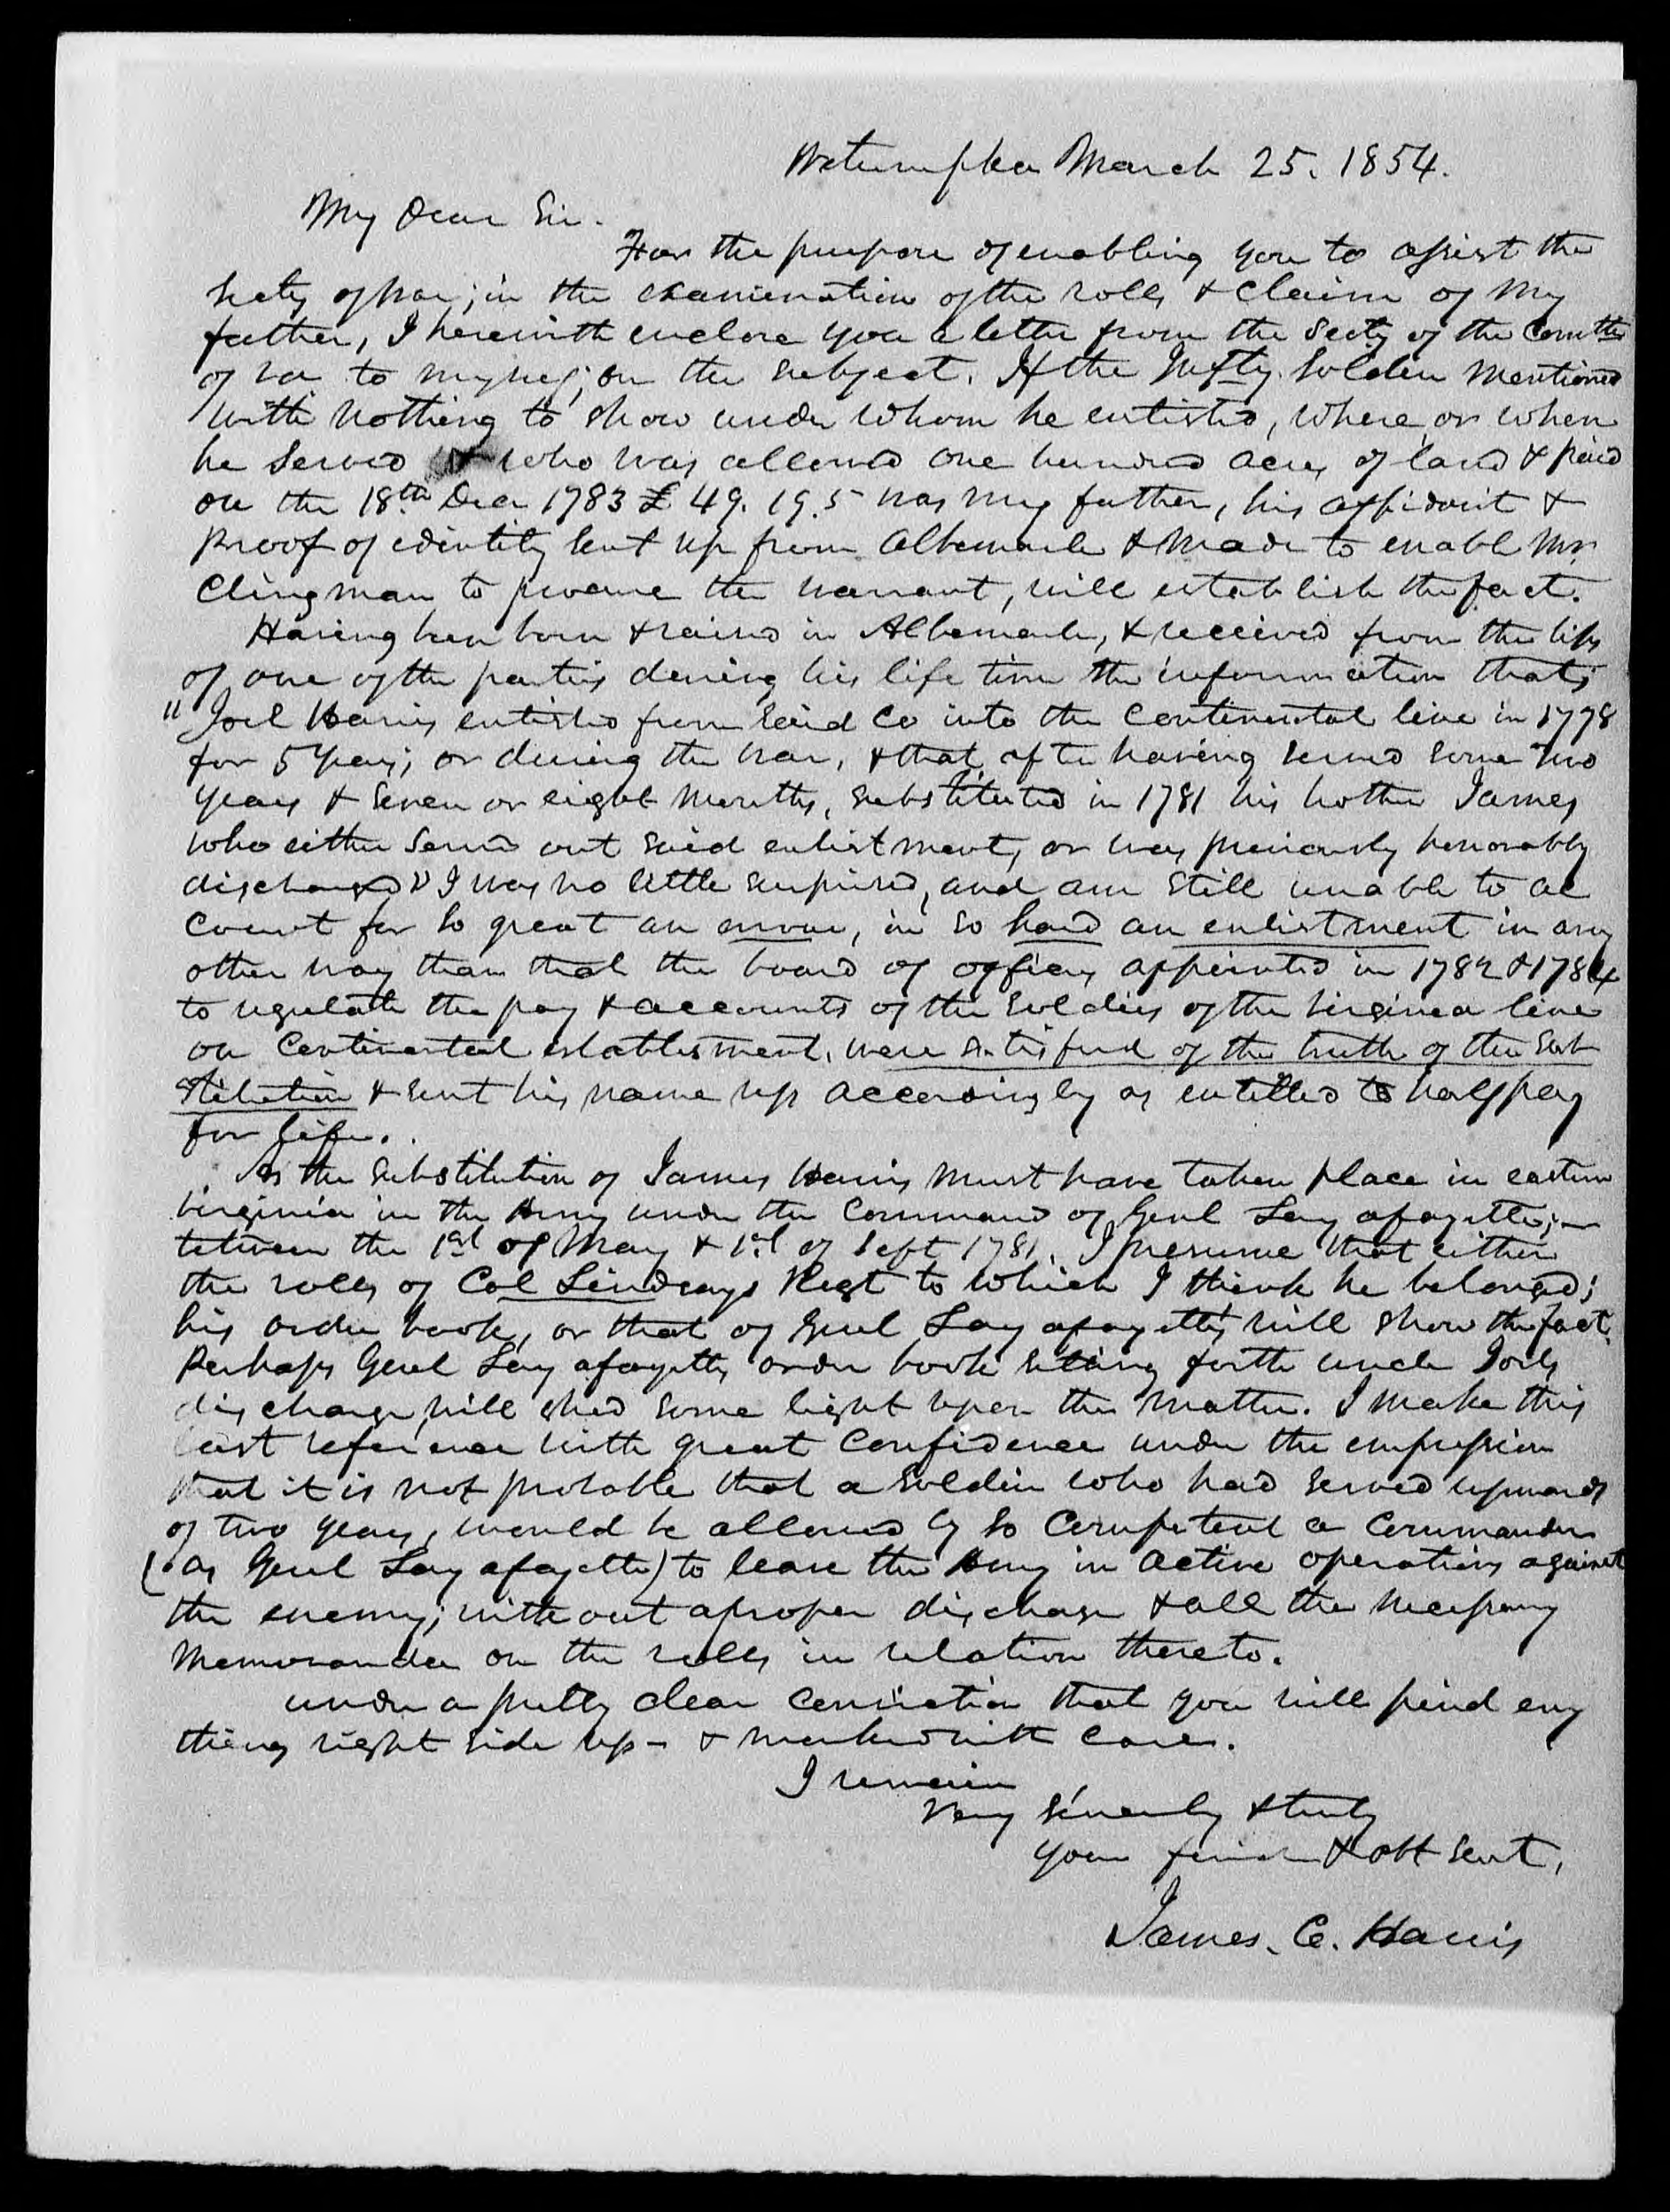Wetumpka March 25, 1854

My Dear Sir.
For the purpose of enabling you to assist the Secty of Va, in the examination of the roll, & claim of my father, I herewith enclose you a letter from the Secty of the Comwth of Va to myself on the subject.  If the Infty. Soldier mentioned with nothing to show under whom he enlisted, where or when he served & who was allowed one hundred acres of land & paid on the 18th Dec. 1783 [pound sterling]49.19.5 was my father, his affidavit and proof of identity sent up from Albemarle & made to enable Mr. Clingman to [?] the warrant, will establish the fact.
Having been born & raised in Albemarle, & received from the lips of one of the parties during his life time the information that "Joel Harris enlisted from said Co into the Continental line in 1778 for 5 years, or during the war, & that after having served some two years and seven or eight months, substituted in 1781 his brother James who either served out said enlistment, or was previously honorably discharged." I was no little surprised and am still unable to account for so great an error, in so hard an enlistment in any other way than that the board of officers appointed in 1782 & 1784 to regulate the pay & accounts of the soldiers of the Virginia line on Continental establishment, were satisfied of the truth of the substitution & sent his name up accordingly as entitled to half pay for life.
As the substitution of James Harris must have taken place in eastern Virginia in the Army  under the command of Genl Layafayette [sic], in between the 1st of May & 2nd of Sept 1781, I presume that either the rolls of Col Lindsay's Regt to which I think he belonged, his order book, or that of Genl Layafayette [sic] will show the fact.  Perhaps Genl Layafayetts {sic] order book listing forth uncle Joel's discharge will shed some light upon the matter.  I make this last reference with great confidence under the impression that it is not probable that a soldier who had served upwards of two years, would be allowed by so competent a commander (as Genl Layafayette [sic]) to leave the Army in active operations against the enemy, without a proper discharge & all the necessary Memoranda on the rolls in relation thereto.
Under a pretty clear [?] that you will find any thing right side up--& marked with car,
I remain
Very Sincerely & truly
Your friend & obt servt
James C. Harris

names: Clingman, Joel Harris, Lay, James C Harris, Lay, Lay, James Harris, James, Lay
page: 88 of 160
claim: rejected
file: R. 4666, James Harris, Va.